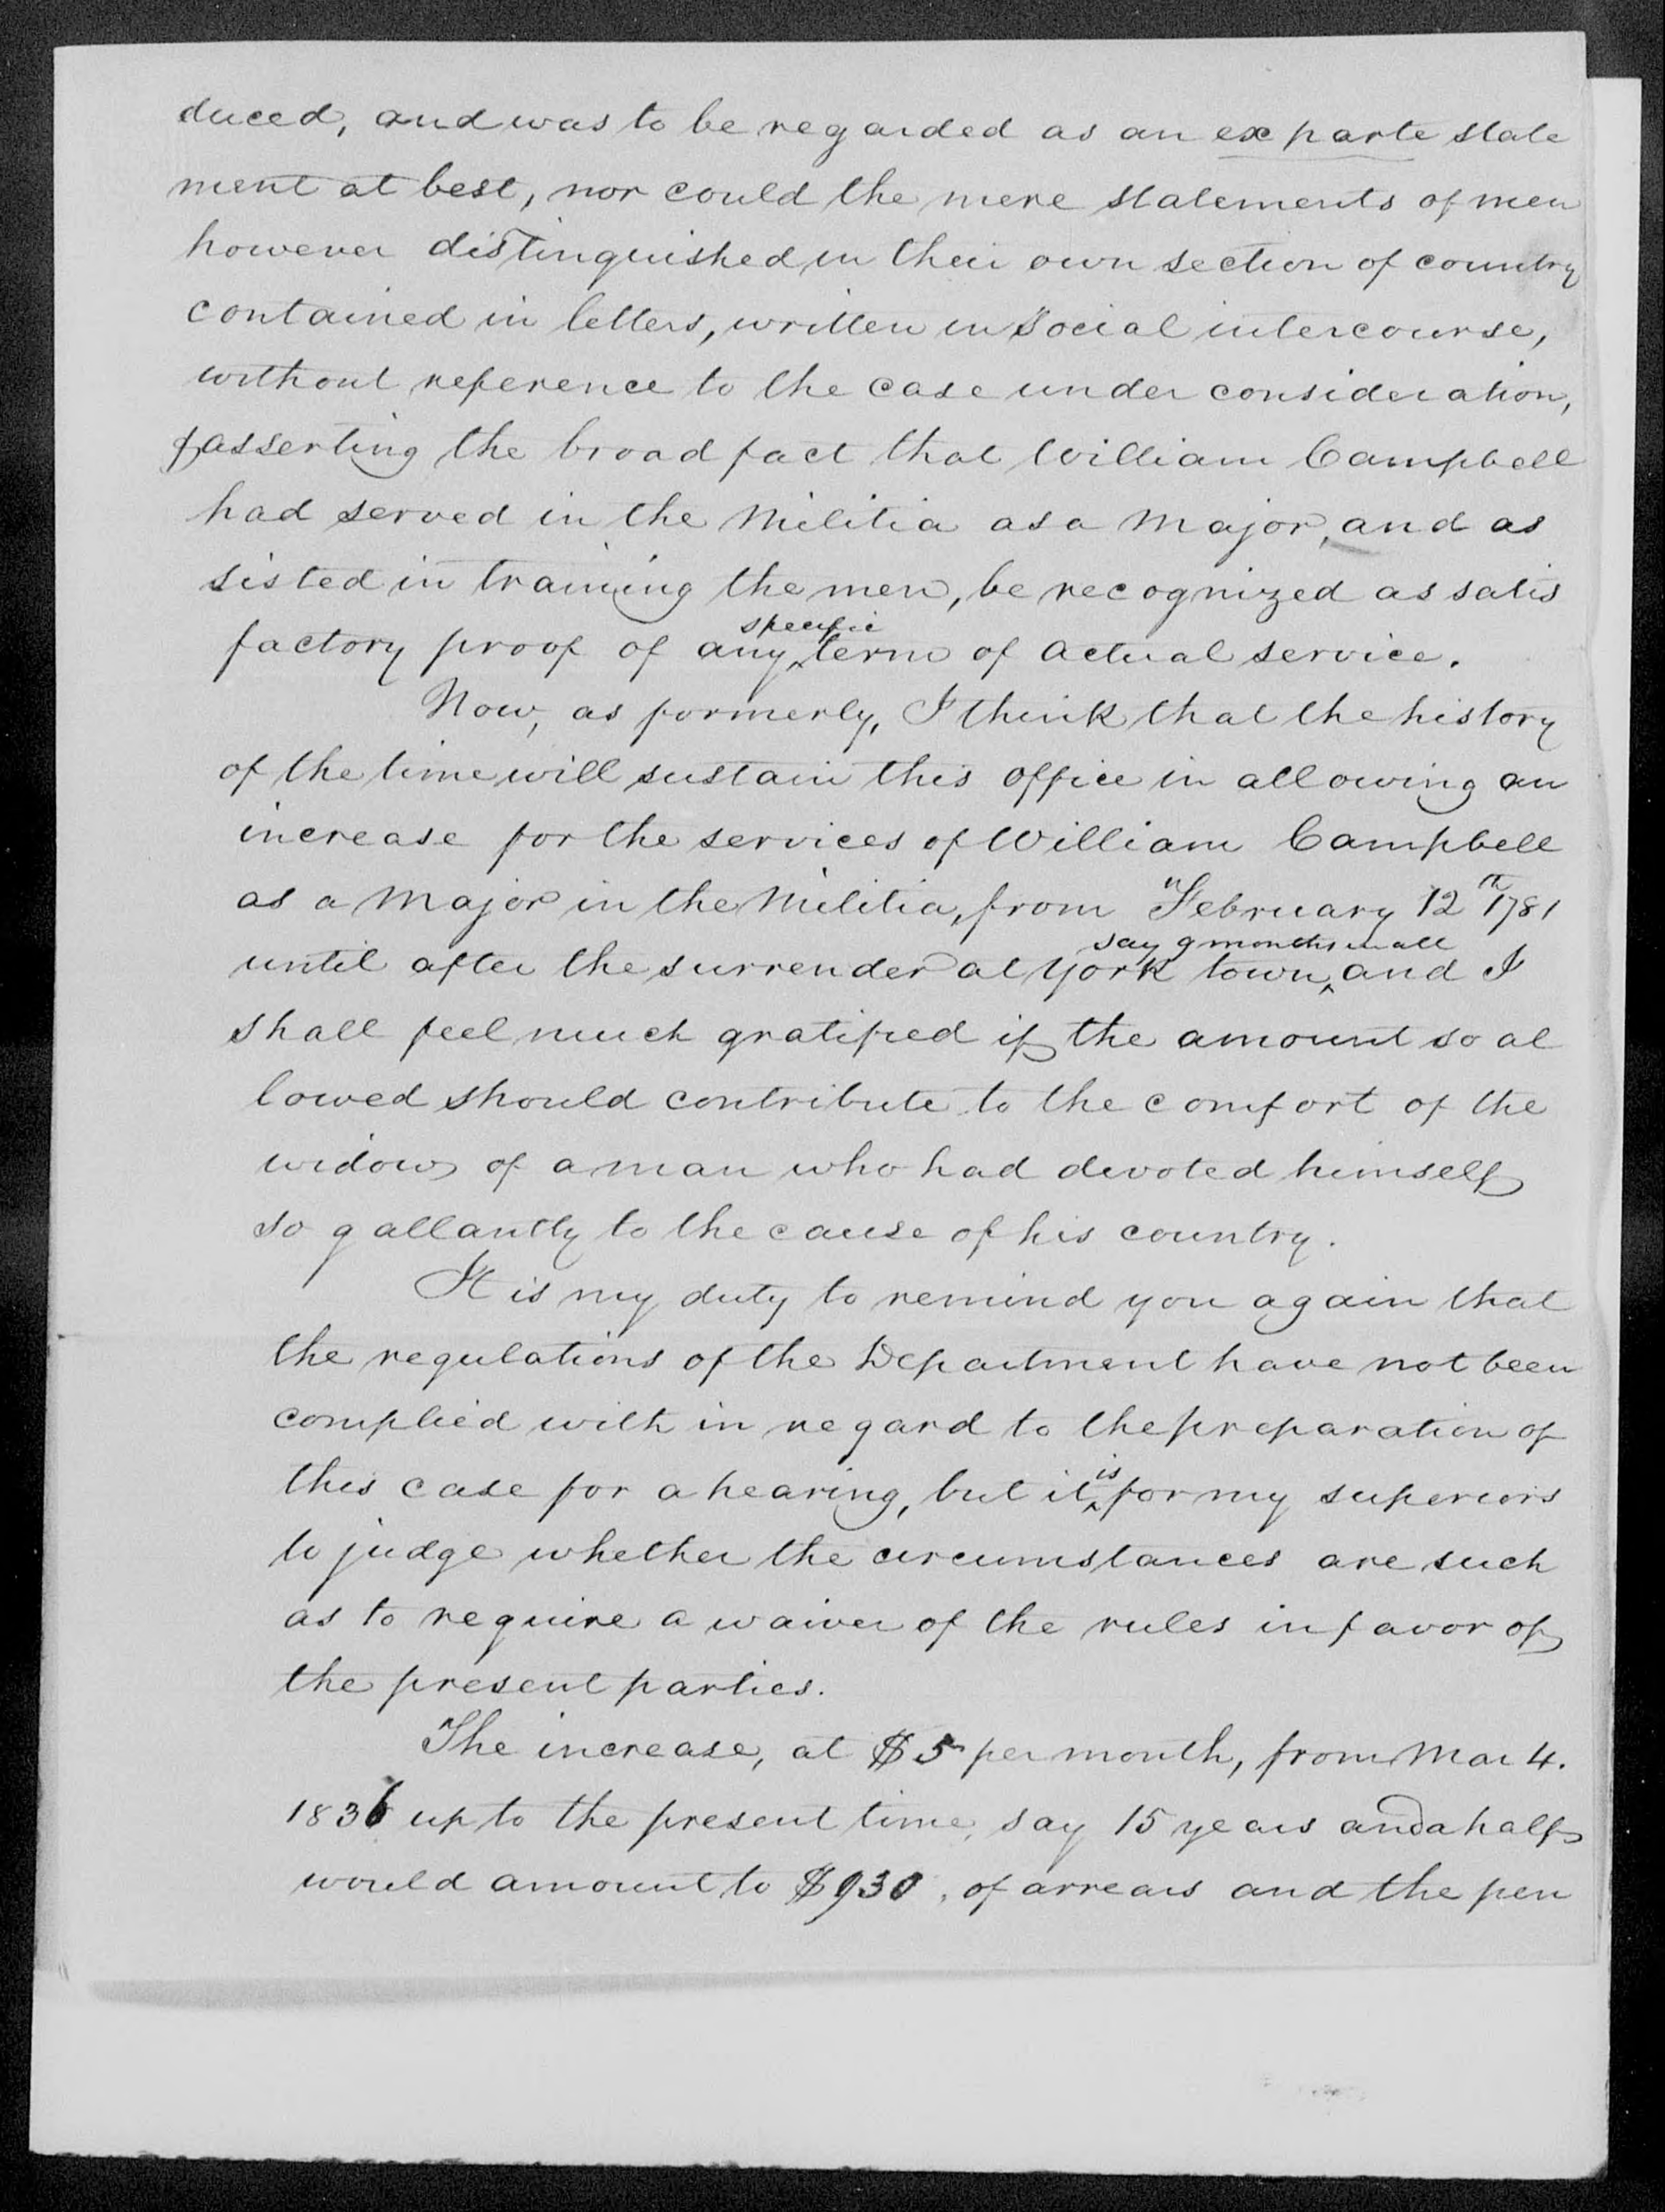duced, and was to be regarded as an ex parte statement at best, nor could the mere statements of men however distinguished, in their own section of country, contained in letters, in Social intercourse, without reference to the case under consideration, & asserting the broad fact that William Campbell had served in the Militia as a Major, and assisted in training the men, be recognized as satisfactory proof of any special term of actual service.
Now, as formerly, I think that the history of the time will sustain this office in allowing an increase for the services of William Campbell as a Major in the Militia, from February 12th 1781 until after the surrender at York Town, say 9 months in all and I shall feel much gratified if the amount so allowed should contribute to the comfort of the widow of a man who had devoted himself so gallantly to the cause of his country.
It is my duty to remind you again that the regulations of the Department have not been complied with in regard to the preparation of this case for a hearing, but it is for my superiors to judge whether the circumstances are such as to require a waiver of the rules in favor of the present parties.
The increase, at $5 per month, from Mar 4. 1836 up to the present time, say 15 years and a half would amount to $930 of arrears and the pen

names: William Campbell, William Campbell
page: 184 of 267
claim: widow's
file: W. 4,149, William Campbell, Va.